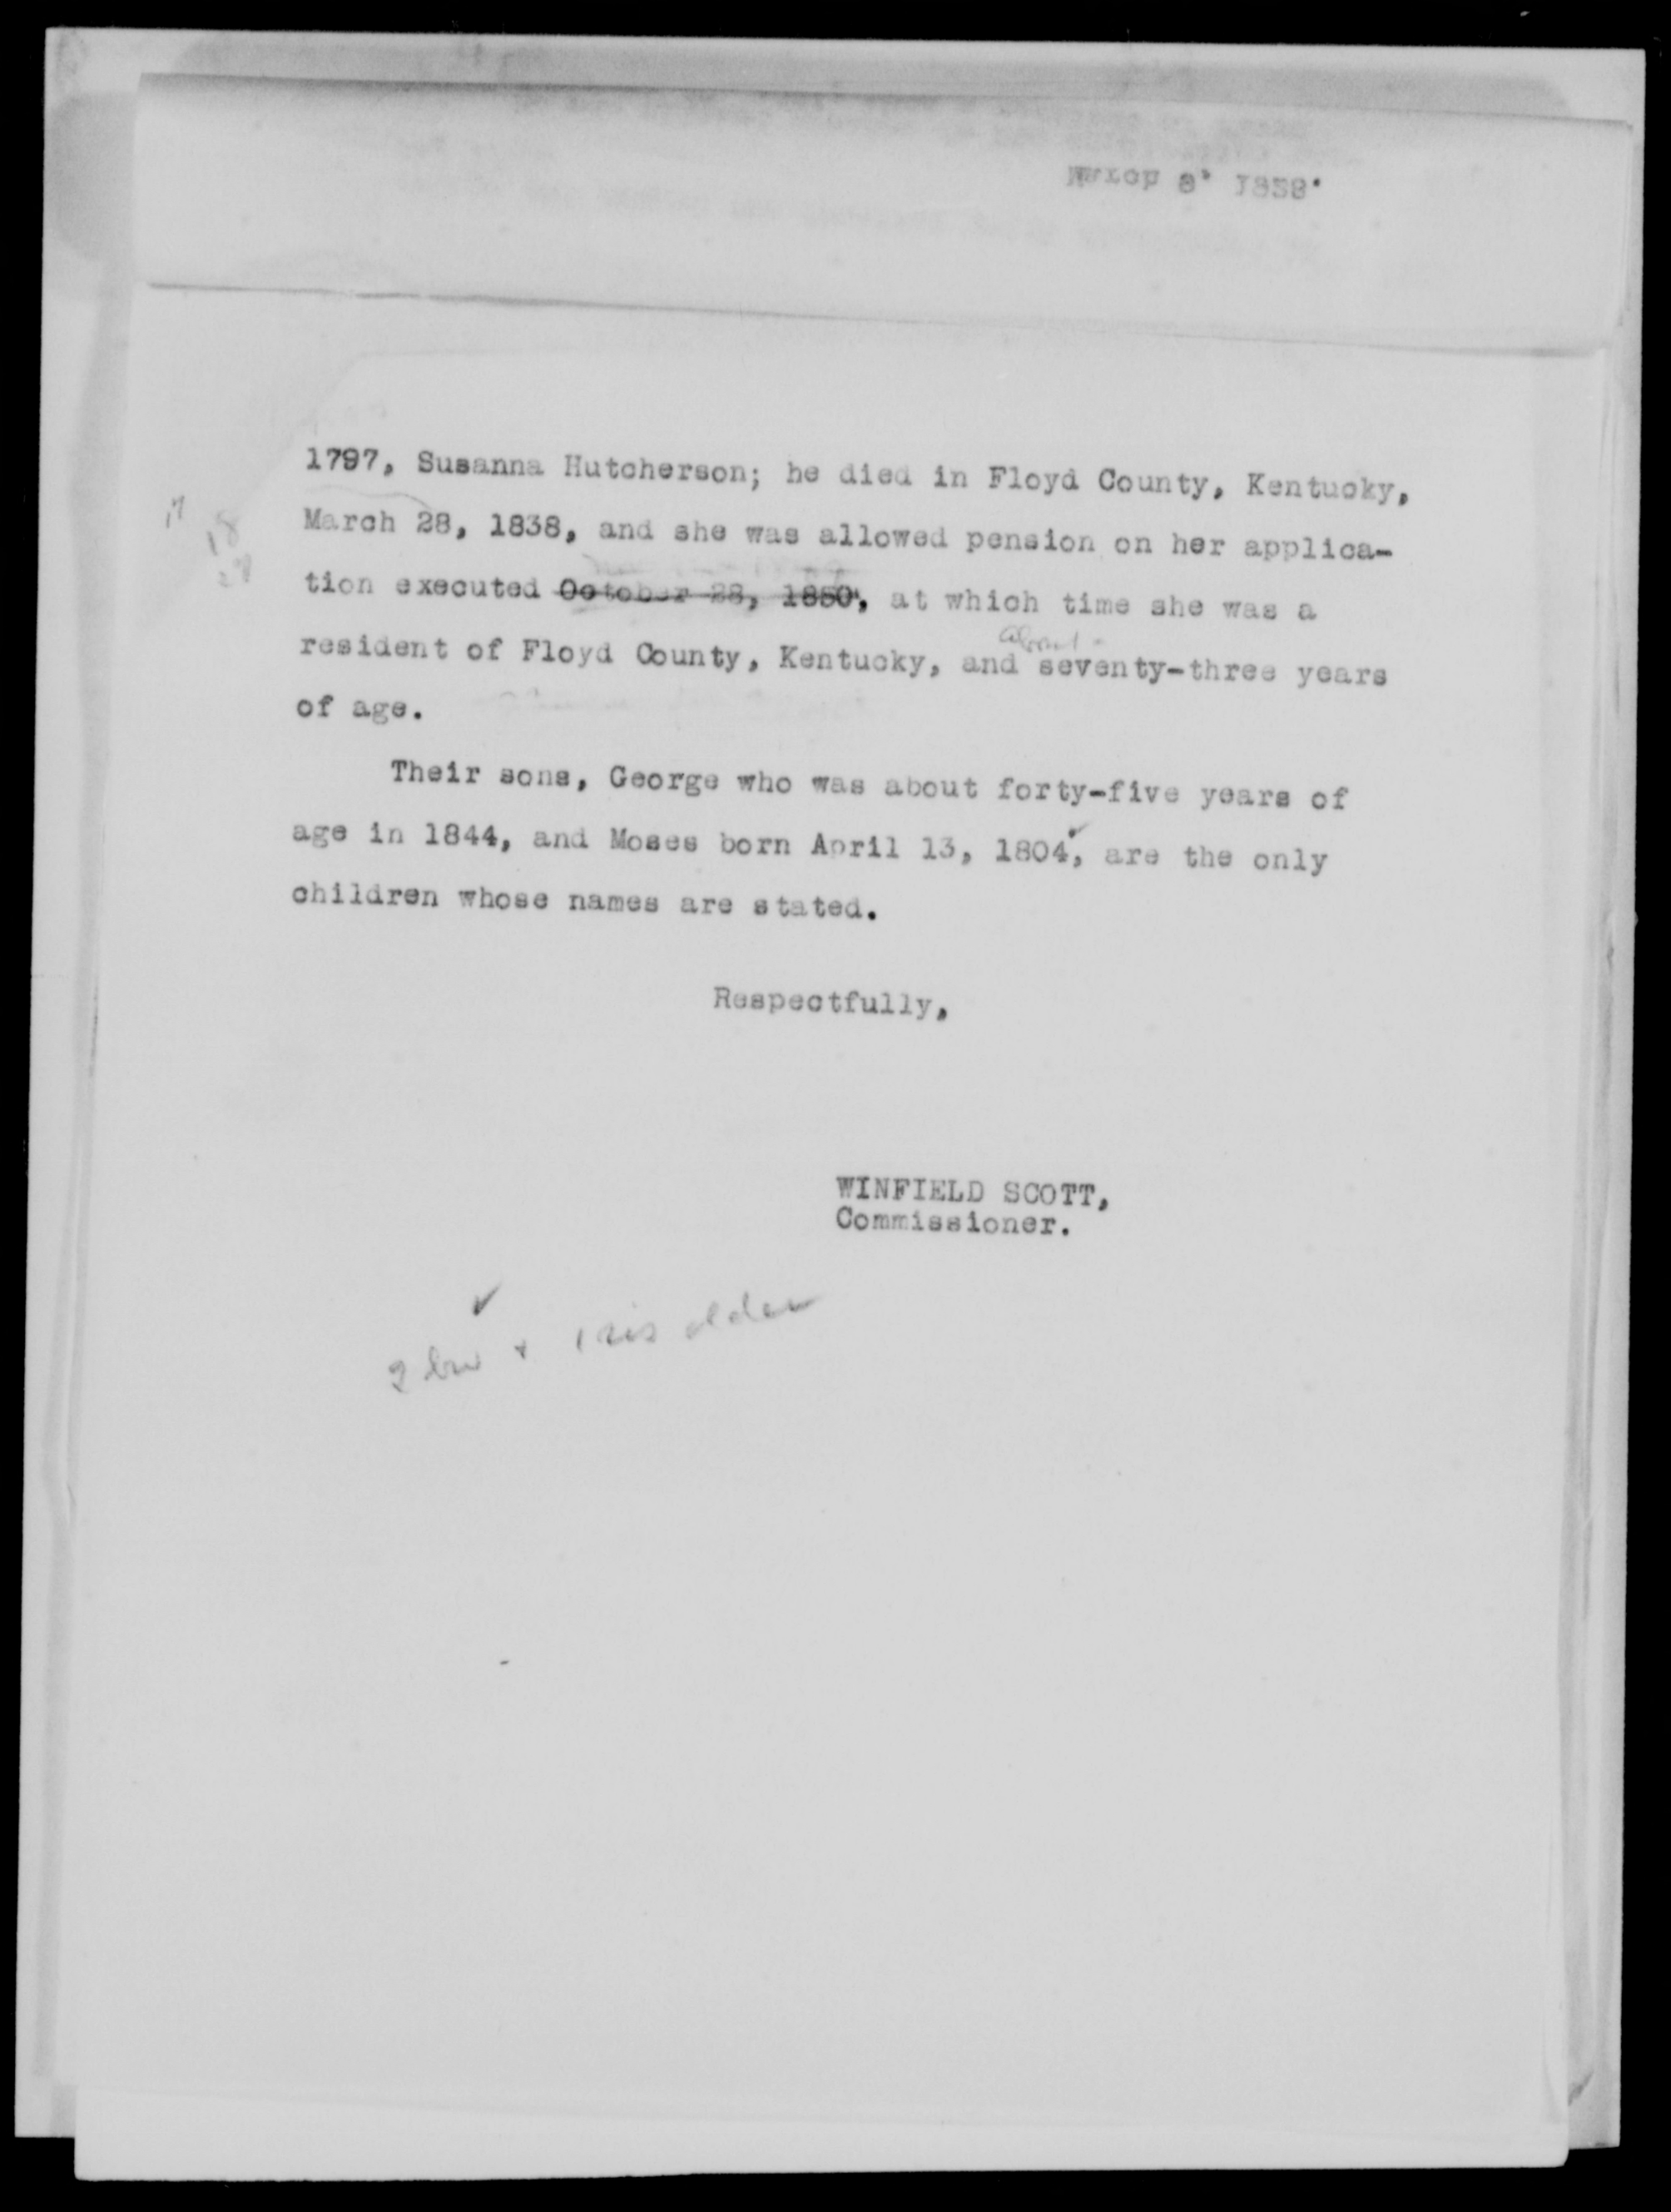1787, Susanna Hutcherson; he died in Floyd County, Kentucky,
March 28, 1838, and she was allowed pension on her application
executed [‘October 28, 1850’-crossed out with illegible words written above],
 at which time she was a resident of Floyd County, Kentucky, and about
 seventy-three years of age.
Their sons, George who was about forty-five years of
age in 1844, and Moses born April 13, 1804, are the only
children whose names are stated.
Respectfully,
WINFIELD SCOTT,
Commissioner.

2 brs & 1 sis older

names: Moses, George, Winfield Scott, Susanna Hutcherson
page: 95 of 100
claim: widow's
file: W. 6437, Richard Wells, Ga Va.